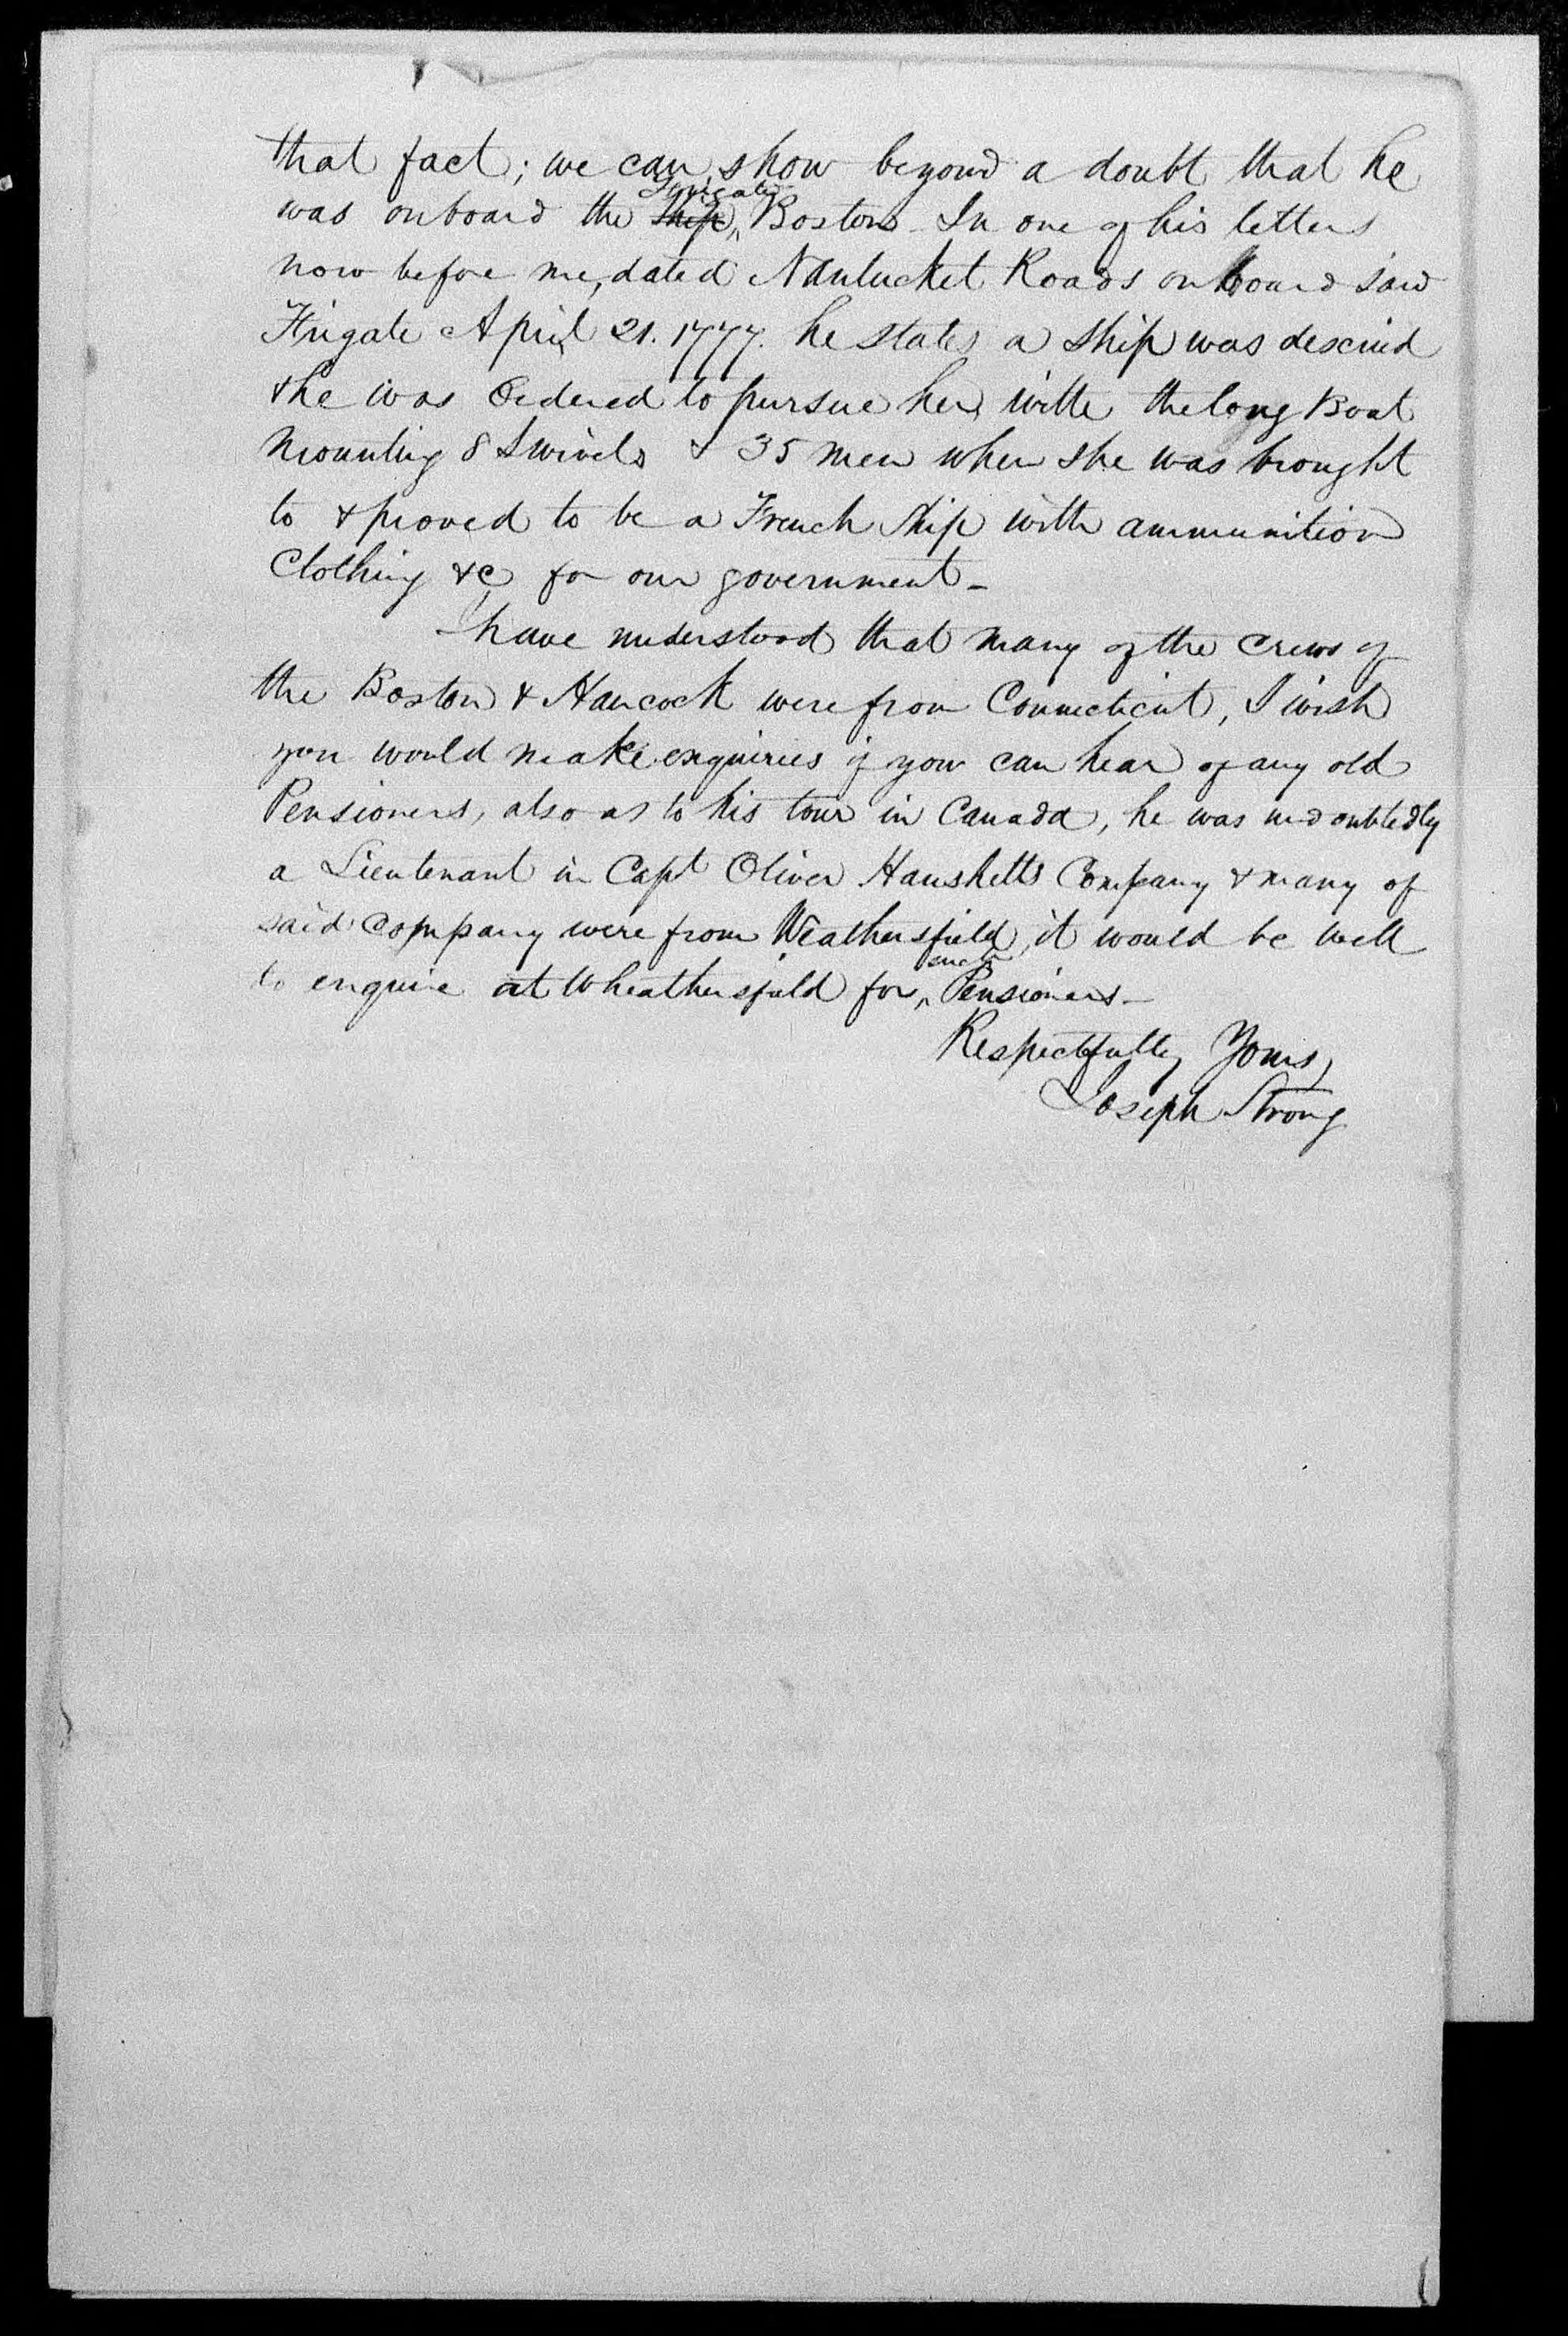that fact; we can show beyond a doubt that he was onboard the Frigate Boston. In one of his letters now before me, dated Nantucket Roads on board said Frigate April 21, 1777, he states a Ship was descried & he was Ordered to pursue her with the long Boat mounting & swivels & 35 men when she was brought to & proved to be a French Ship with ammunition clothing &c for our government.
I have understood that many of the crew of the Boston & Hancock were from Connecticut, I wish you would make enquries if you can hear of any old Pensioners, also as to his tour in Canada, he was undoubtedly a Lieutenant in Capt Oliver Hanshetts Company & many of said company were from Weathersfield, it would be well to enquire at Weathersfield for such Pensioners--
Respectfully Yours, 
Joseph Strong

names: Joseph Strong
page: 29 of 60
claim: widow's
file: W. 14,036, for James Knowles, Connecticut